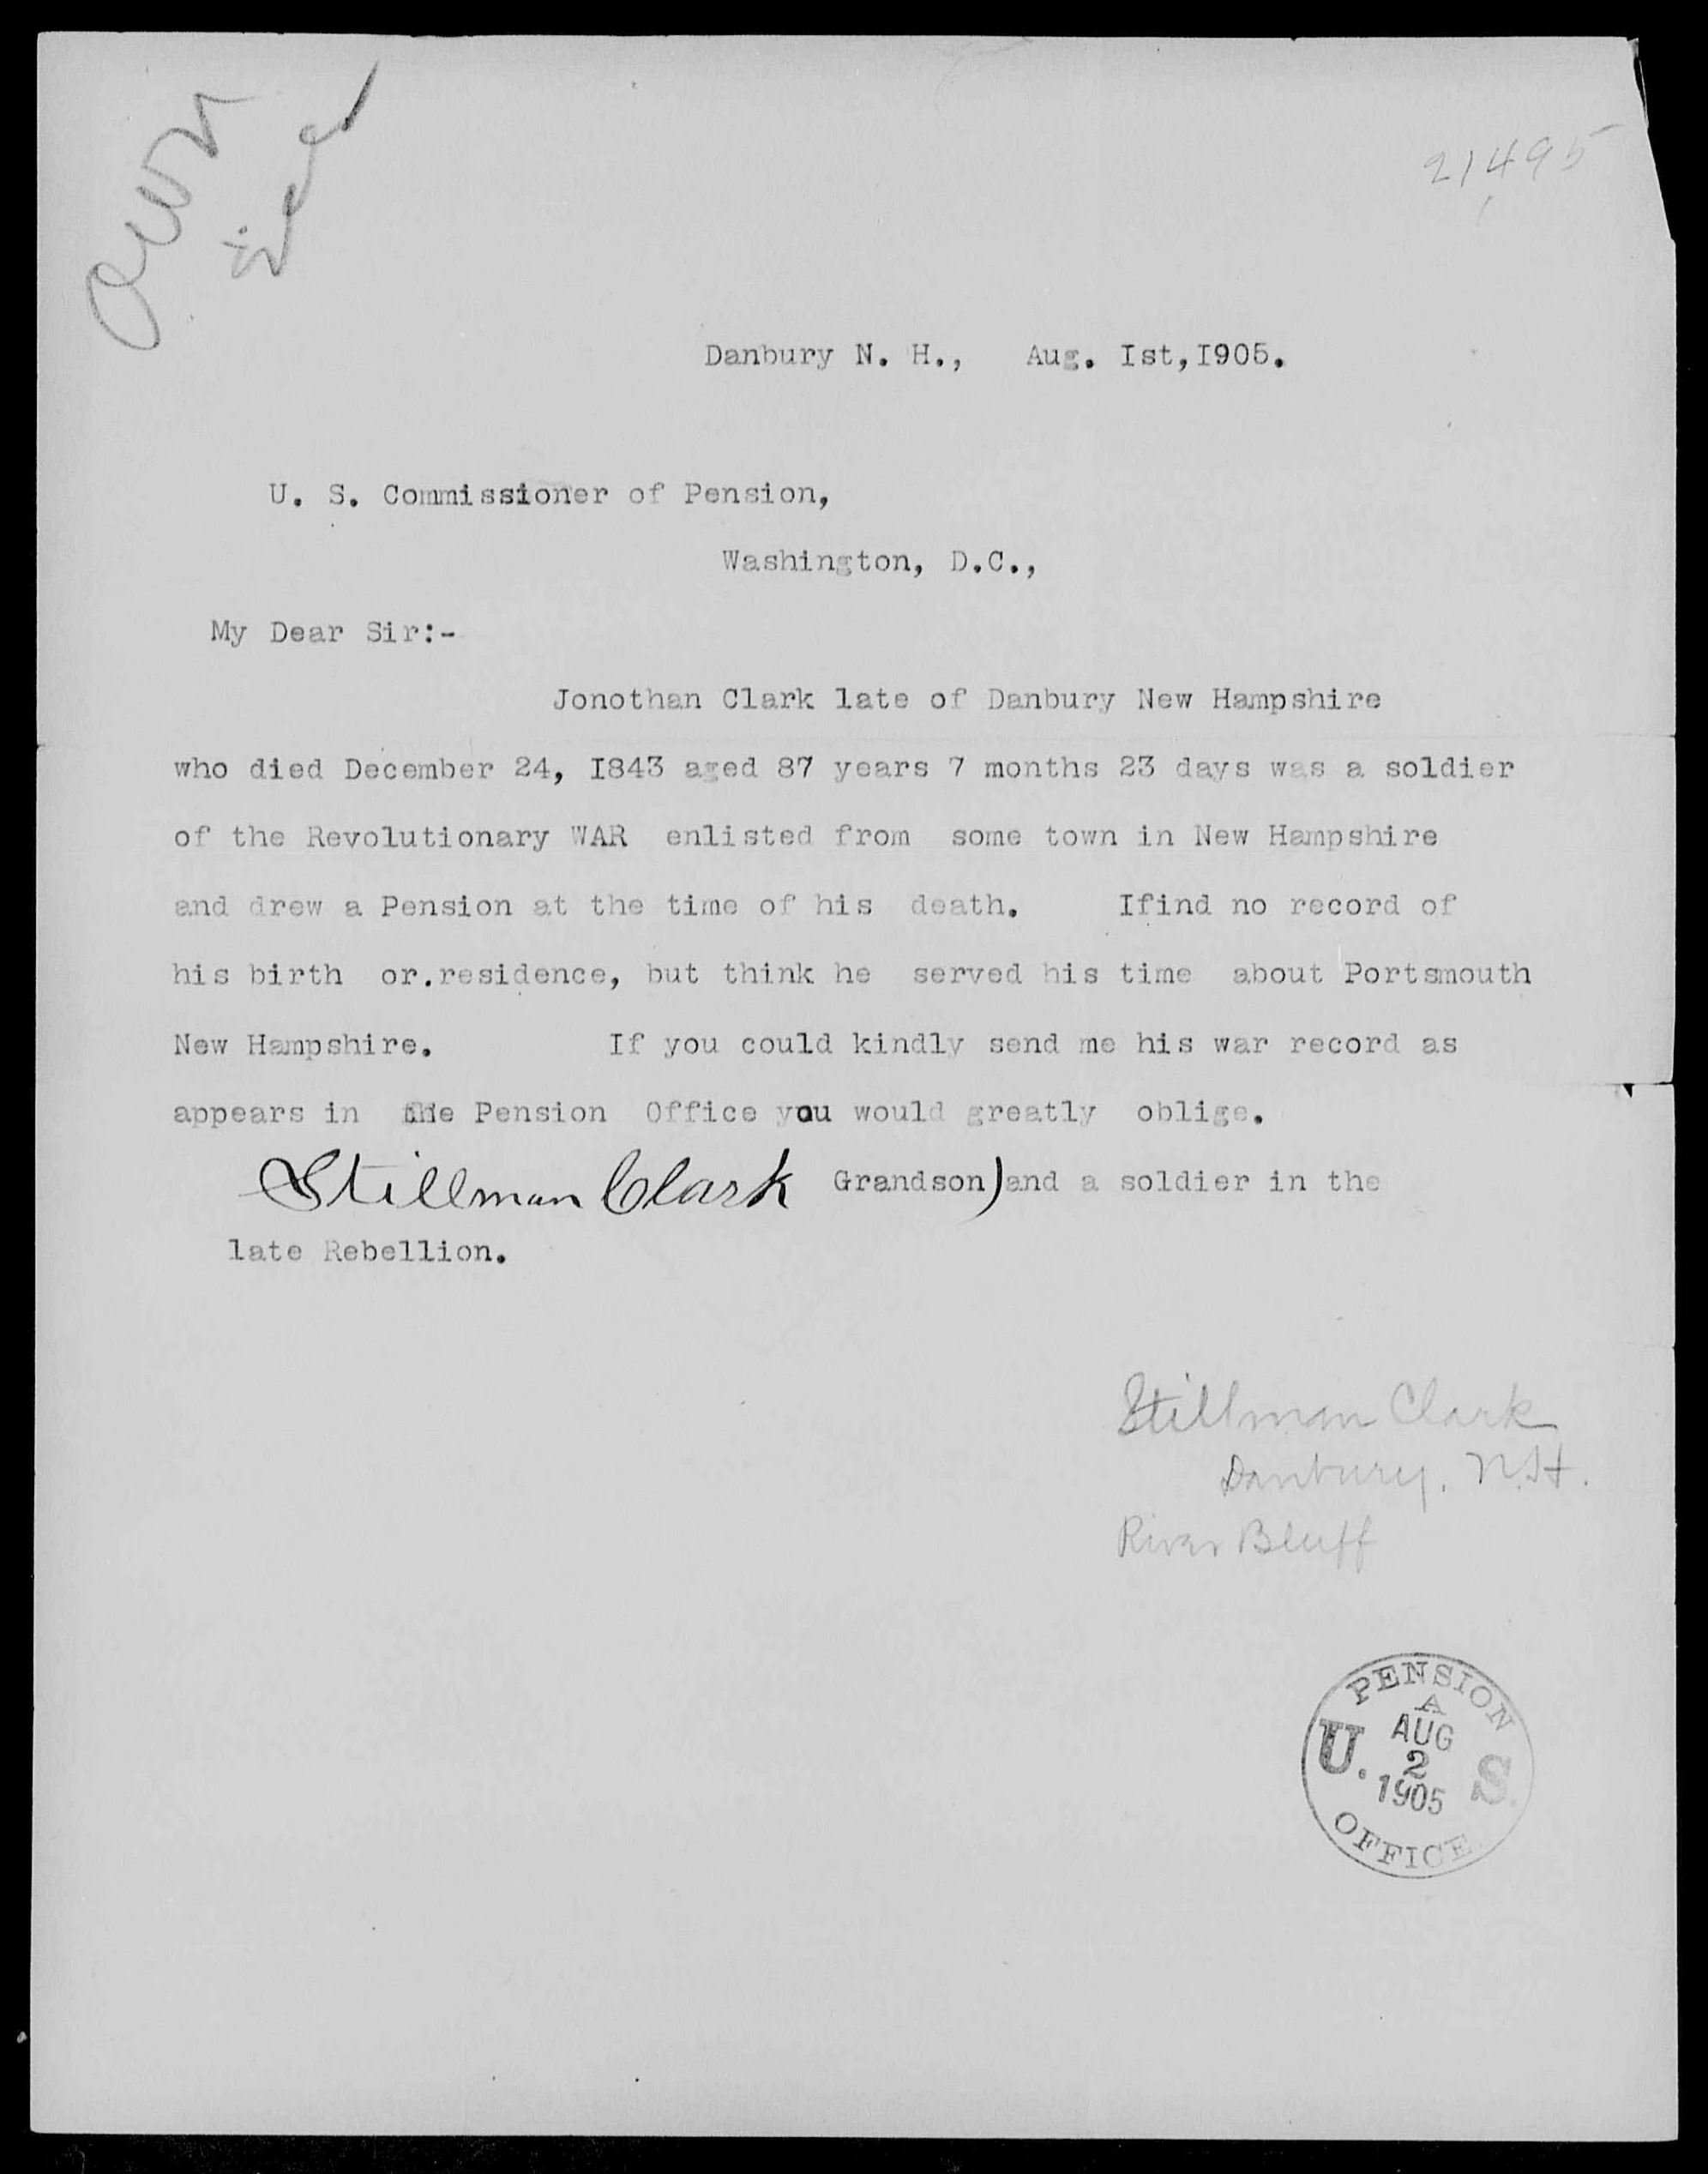OWN eec   21495

Danbury N. H.,

Aug. 1st, 1905.
U.S. Commissioner of Pension,
Washington, D.C.,

My Dear Sir: -

Jonathan Clark late of Danbury New Hampshire
who died December 24, 1843 aged 87 years 7 months 23 days was a soldier
of the Revolutionary WAR enlisted from some town in New Hampshire
and drew a pension at the time of his death.
I find no record of
his birth or residence, but think he served his time about Portsmouth
New Hampshire.
If you could kindly send me his war record as
appears in the Pension Office you would greatly oblige.
Stillman Clark Grandson) and a soldier in the
late Rebellion.
Stillman Clark
Danbury, N.H
River Bluff

[stamp] U.S. PENSION OFFICE A AUG 2 1905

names: Stillman Clark, Jonothan Clark, Stillman Clark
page: 17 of 18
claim: survivor's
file: S. 12,512, Jonathan Clark, Mass. N.H.